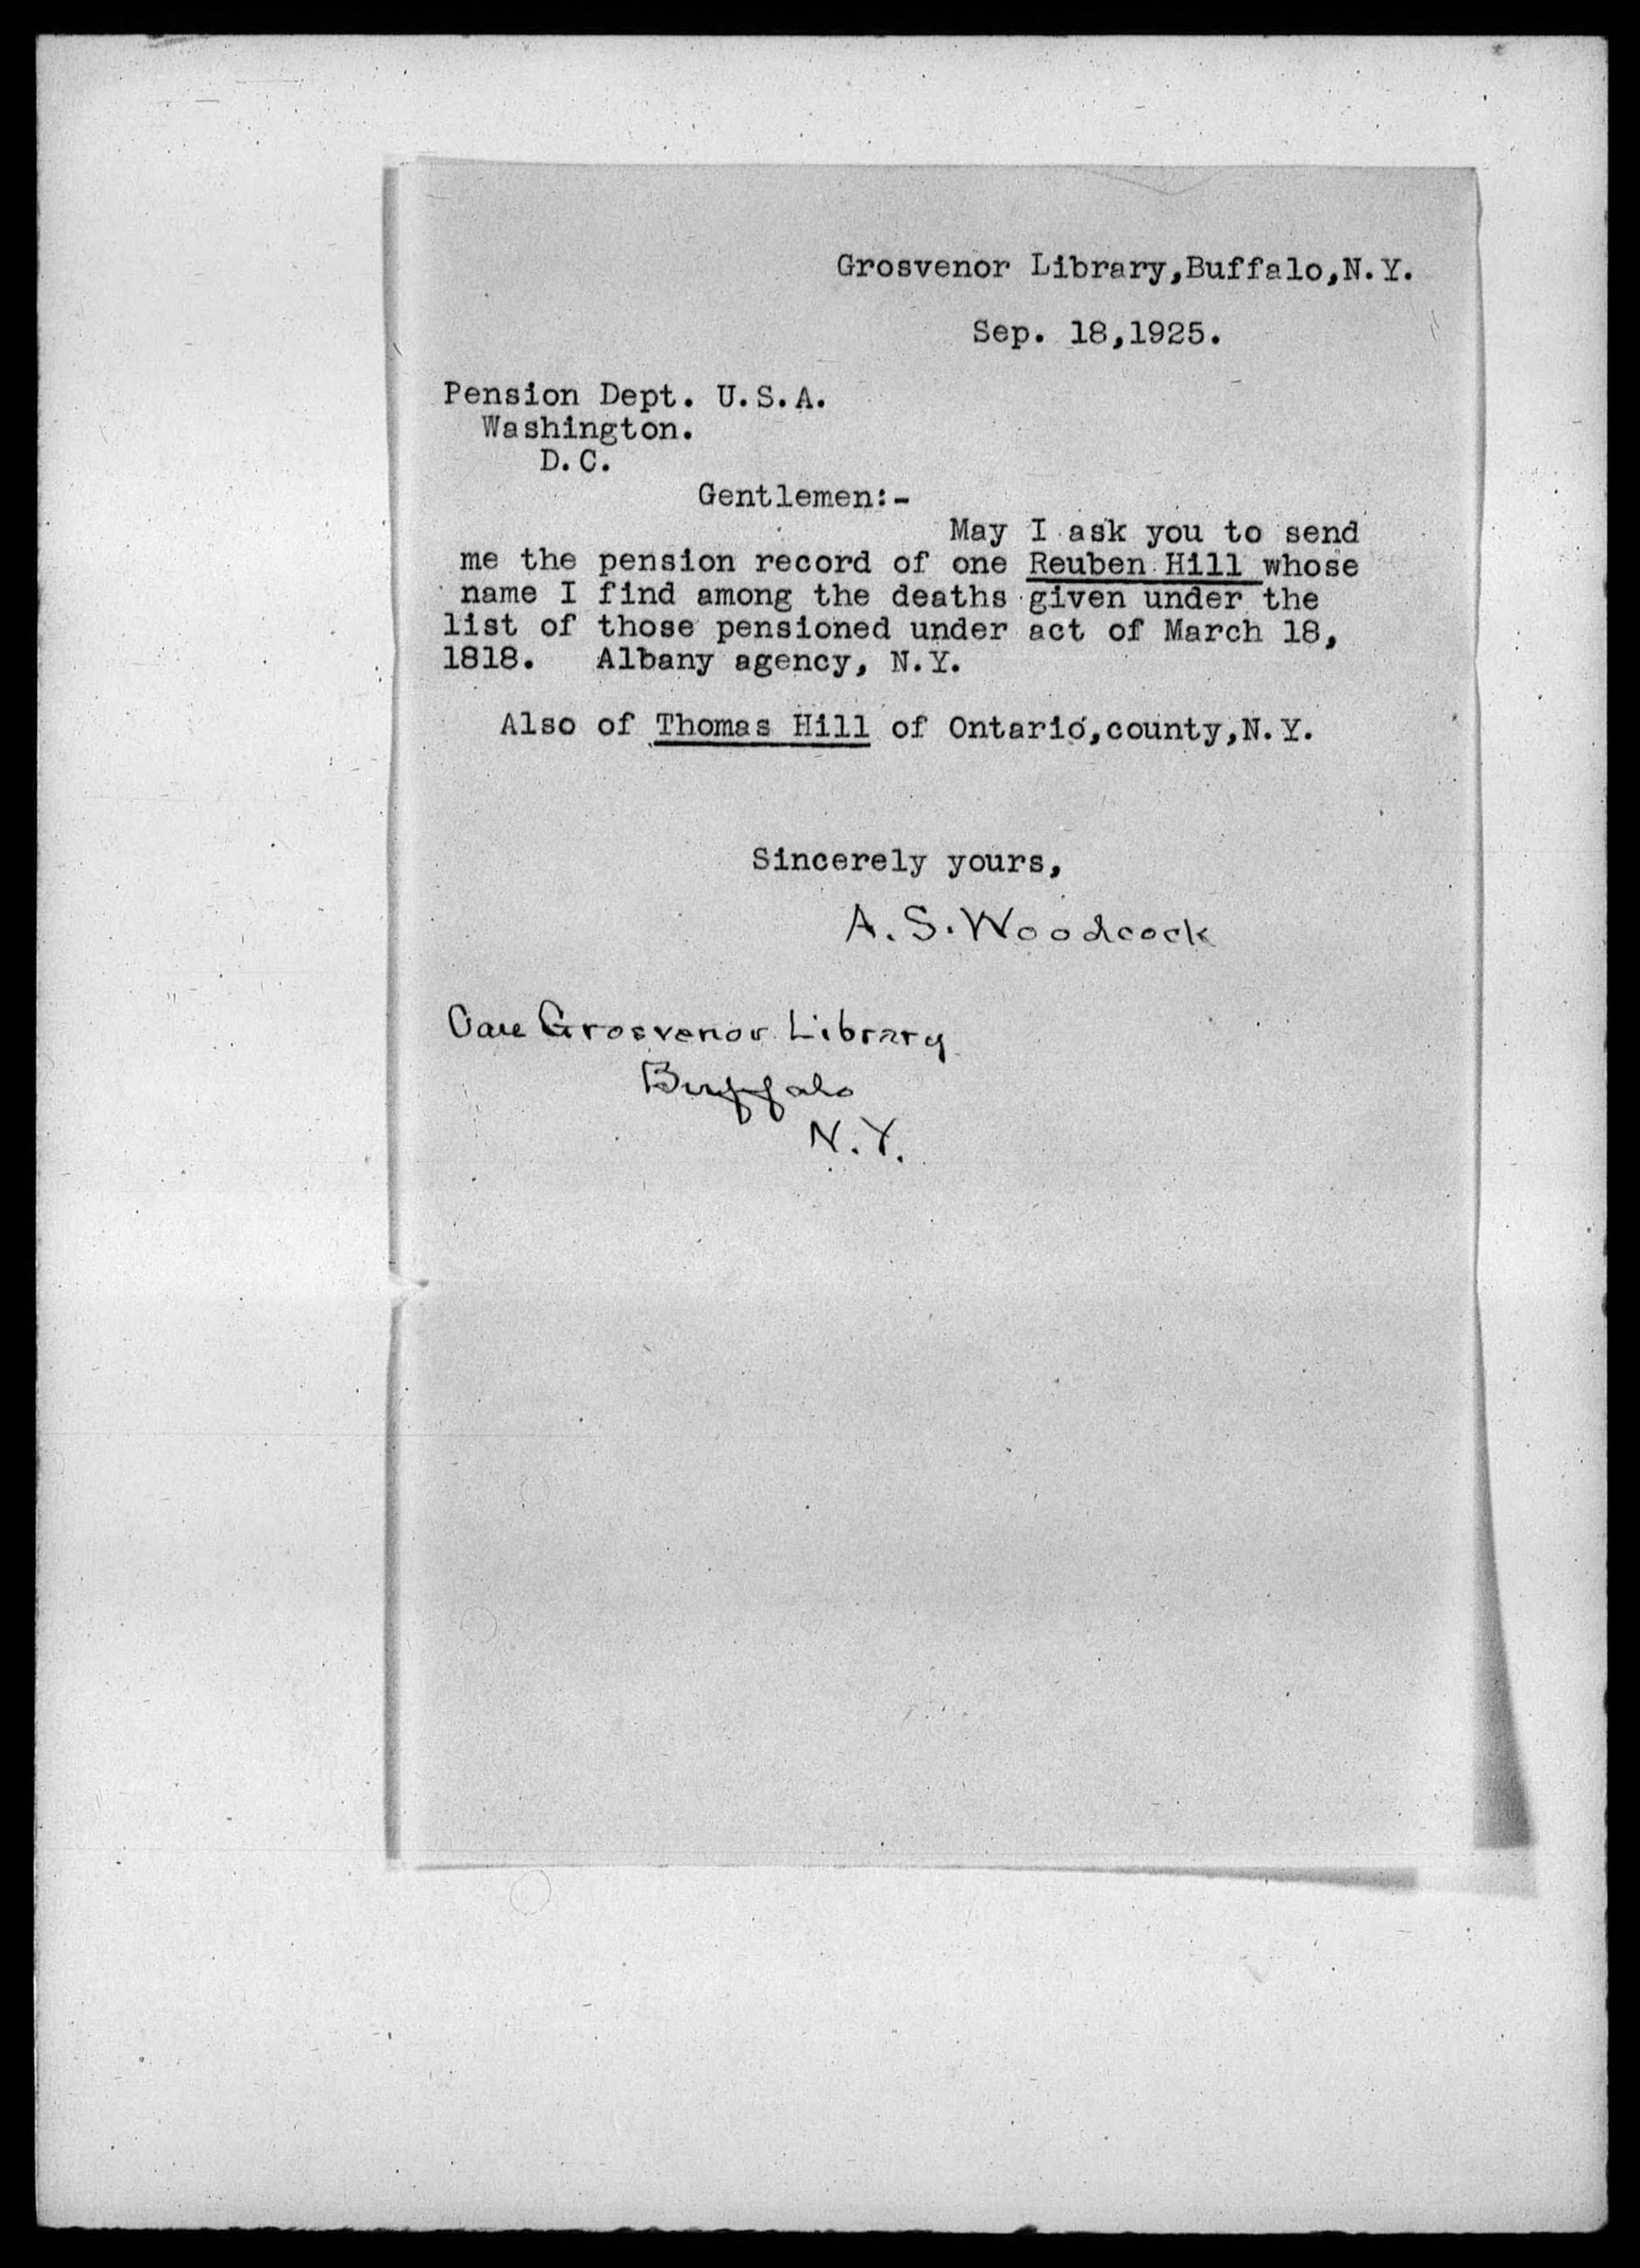Grosvenor Library, Buffalo, N.Y.
Sep. 18, 1925.

Pension Dept. U.S.A.
Washington.
D.C.

Gentlemen:-
May I ask you to send me the pension record of one Reuben Hill [name underlined] whose name I find among the deaths given under the list of those pensioned under act of March 18, 1818. Albany agency, N.Y.
Also of Thomas Hill [name underlined] of Ontario, county, N.Y.

Sincerely yours,
[begin handwritten]
A.S. Woodcock

Our Grosvenor Library
Buffalo
N.Y.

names: A S Woodcock, Thomas Hill, Reuben Hill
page: 24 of 31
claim: survivor's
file: S. 43672, Thomas Hill, New York